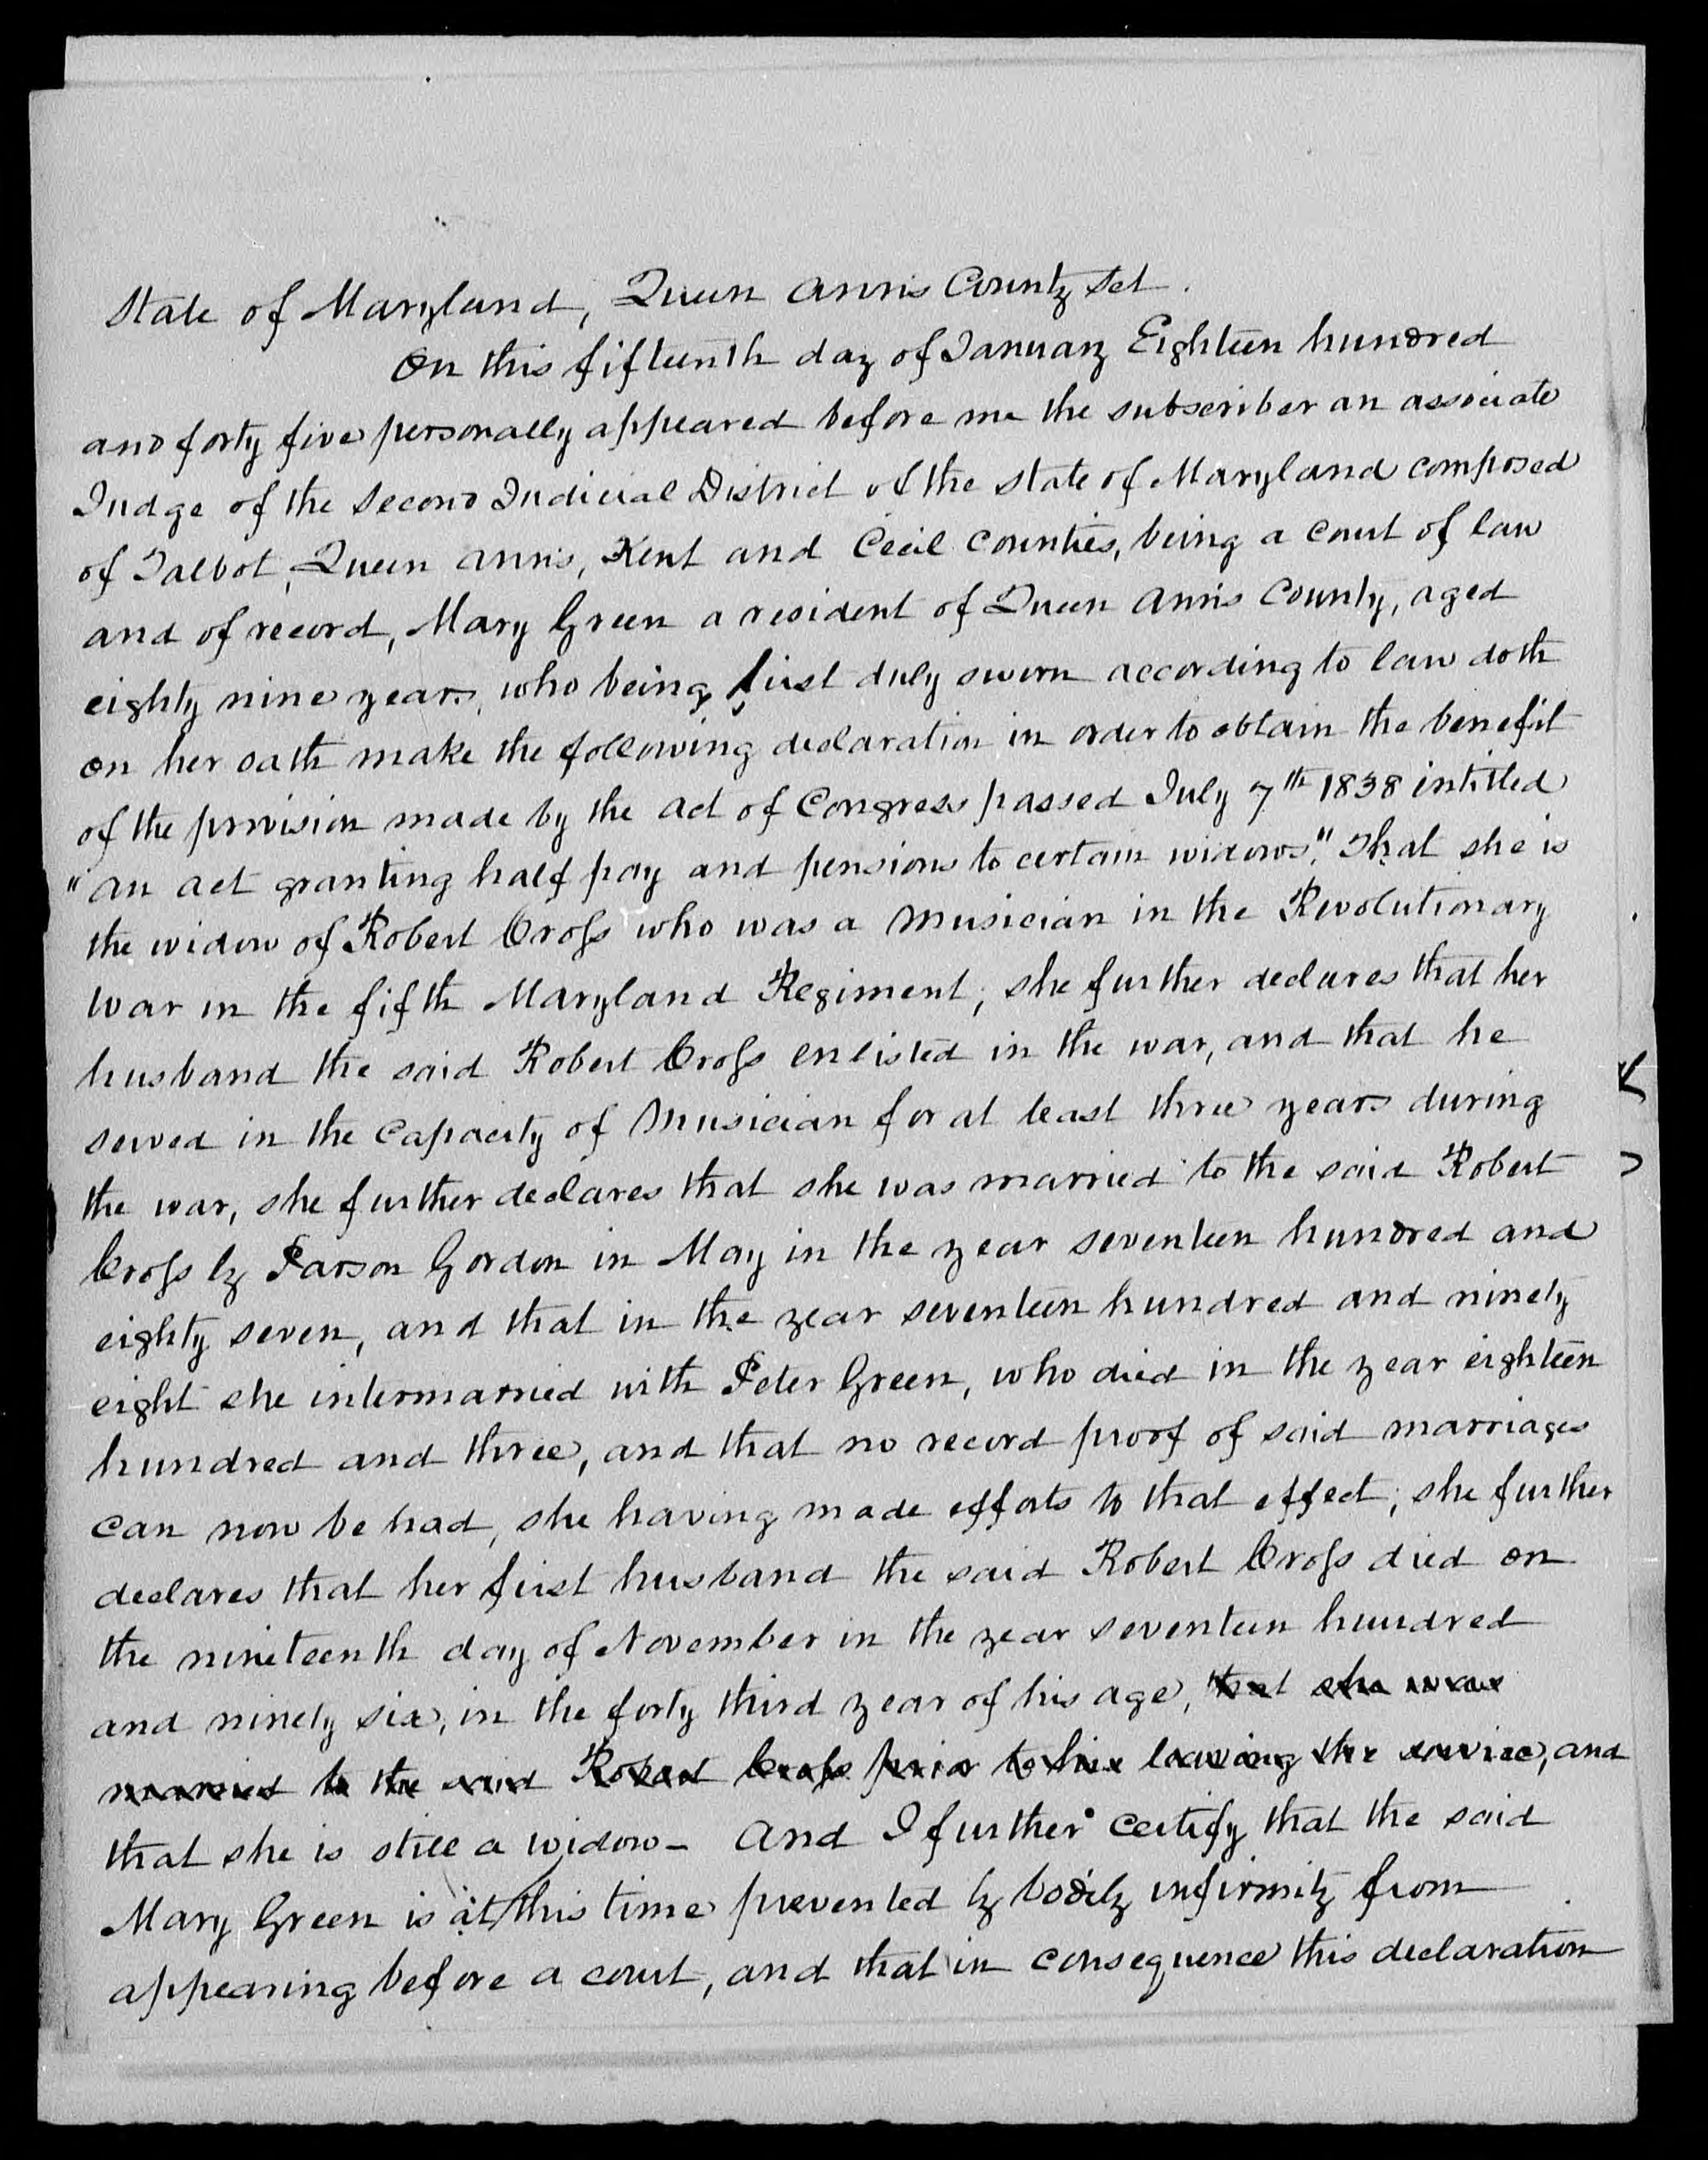State of Maryland, Queen Ann's County [illegible],
On this fifteenth day of January Eighteen hundred and forty five personally appeared before me the subscriber an associate Judge of the Second Judicial District of the state of Maryland comprised of Talbot, Queen Ann's, Kent, and Cecil Counties, being a court of law and of record, Mary Green a resident of Queen Ann's County, aged eighty nine years, who being first duly sworn according to law doth on her oath make the following declaration in order to obtain the benefit of the provision made by the Act of Congress passed July 7th 1838 intitled "an act granting half pay and pension to certain widows." That she is the widow of Robert Cross who was a musician in the Revolutionary War in the fifth Maryland Regiment, she further declares that her husband the said Robert Cross enlisted in the war, and that he served in the Capacity of Musician for at least three years during the war, she further declares that she was married to the said Robert Cross by Parson Gordon in May in the year seventeen hundred and eighty seven, and that in the year seventeen hundred and ninety eight she intermarried with Peter Green, who died in the year eighteen hundred and three, and that no record proof of said marriage can now be had, she having made efforts to that effect; she further declares that her first husband the said Robert Cross died on the nineteenth day of November in the year seventeen hundred and ninety six, in the forty third year of his age, [crossed out: that she war married to the said Robert Cross (illegible)] that she is still a widow - and I further certify that the said Mary Green is at this time proven led by bodily infirmity from appearing before a court, and that in consequence this declaration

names: Peter Green, Robert Cross, Robert Cross, Mary Green, Mary Green, Parson Gordon, Robert Cross, Robert Cross, Robert Cross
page: 4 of 26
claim: widow's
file: W 25651, Robert Cross, Md.